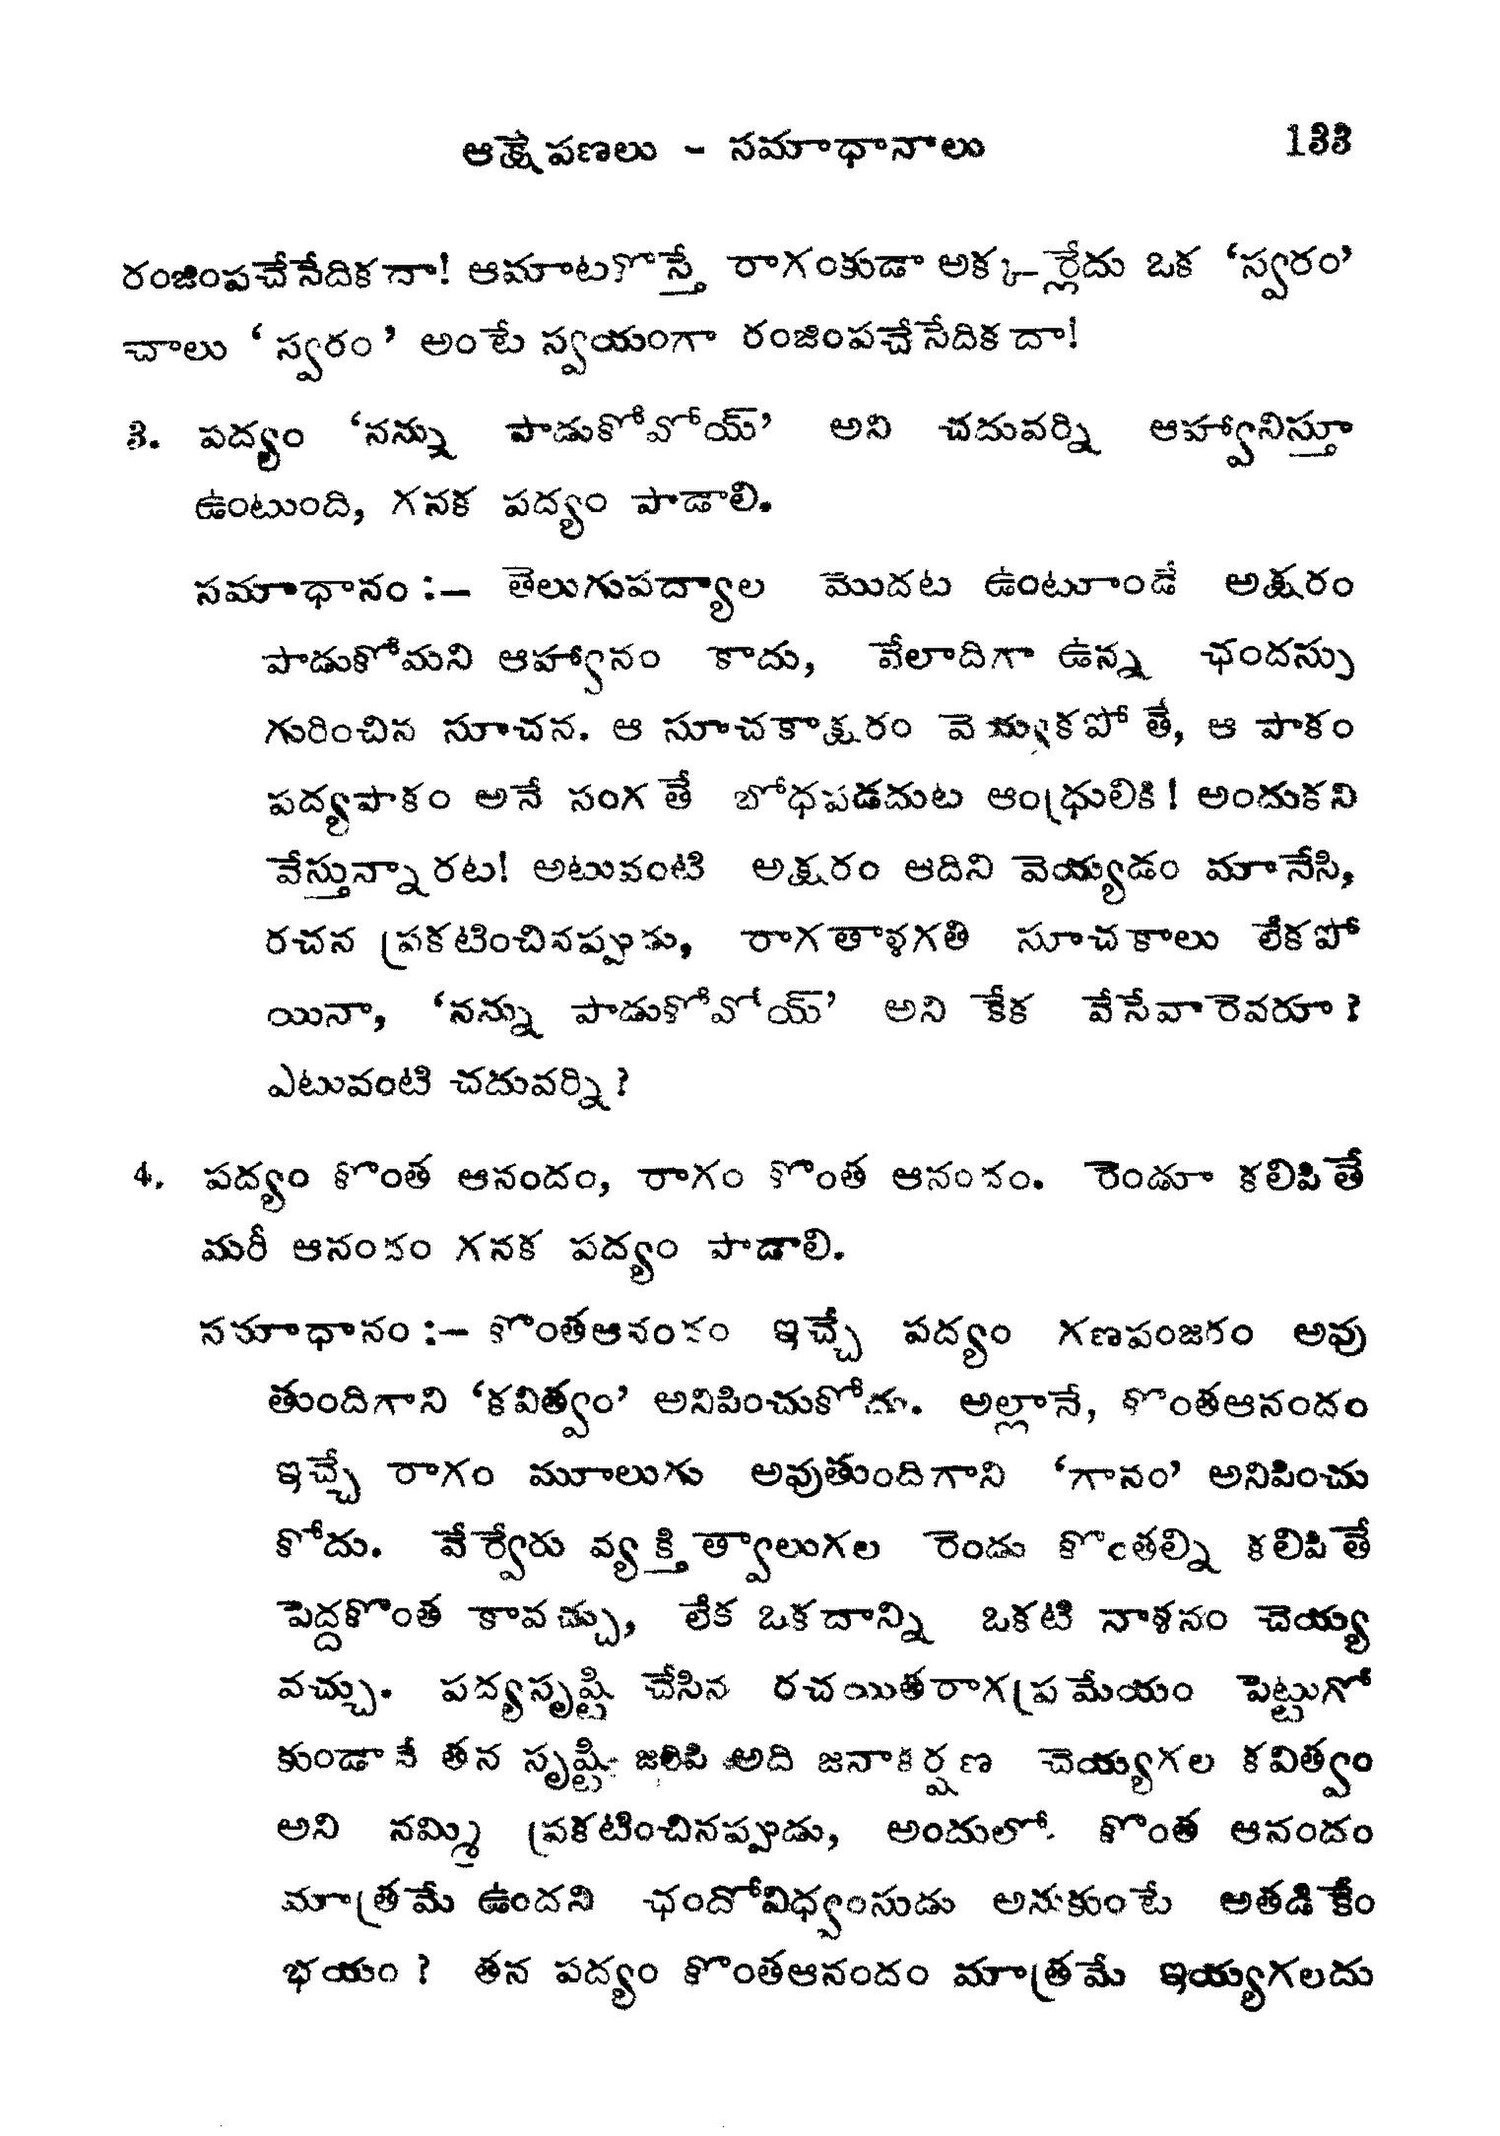రంజింపచేసేదికదా! ఆమాటకొస్తే రాగంకుడా అక్క ర్లేదు ఒక 'స్వరం'
చాలు 'స్వరం' అంటే స్వయంగా రంజింపచేసేదికదా!

3. పద్యం 'నన్ను పాడుకోవోయ్' అని చదువర్ని ఆహ్వానిస్తూ
ఉంటుంది, గనక పద్యం పాడాలి.

సమాధానం :– తెలుగుపద్యాల మొదట ఉంటూండే అక్షరం
పాడుకోమని ఆహ్వానం కాదు, వేలాదిగా ఉన్న ఛందస్సు
గురించిన సూచన. ఆ సూచకాక్షరం వెయ్యకపోతే, ఆ పాకం
పద్యపాకం అనే సంగతే బోధపడదుట ఆంధ్రులికి ! అందుకని
వేస్తున్నారట! అటువంటి అక్షరం ఆదిని వెయ్యడం మానేసి,
రచన ప్రకటించినప్పుడు, రాగతాళగతి సూచకాలు లేకపో
యినా, 'నన్ను పాడుకోవోయ్' అని కేక వేసేవారెవరూ ?
ఎటువంటి చదువర్ని?

4. పద్యం కొంత ఆనందం, రాగం కొంత ఆనందం. రెండూ కలిపితే
మరీ ఆనందం గనక పద్యం పాడాలి.

సమాధానం :– కొంతఆనందం ఇచ్చే పద్యం గణపంజరం అవు
తుందిగాని 'కవిత్వం' అనిపించుకోదు. అల్లానే, కొంతఆనందం
ఇచ్చే రాగం మూలుగు అవుతుందిగాని 'గానం' అనిపించు
కోదు. వేర్వేరు వ్యక్తిత్వాలుగల రెండు కొంతల్ని కలిపితే
పెద్దకొంత కావచ్చు, లేక ఒక దాన్ని ఒకటి నాశనం చెయ్య
వచ్చు. పద్యసృష్టి చేసిన రచయితరాగప్రమేయం పెట్టుగో
కుండానే తన సృష్టి జరిపి అది జనాకర్షణ చెయ్యగల కవిత్వం
అని నమ్మి ప్రకటించినప్పుడు, అందులో, కొంత ఆనందం
మాత్రమే ఉందని ఛందోవిధ్వంసుడు అనుకుంటే అతడికేం
భయం ? తన పద్యం కొంత ఆనందం మాత్రమే ఇయ్యగలదు